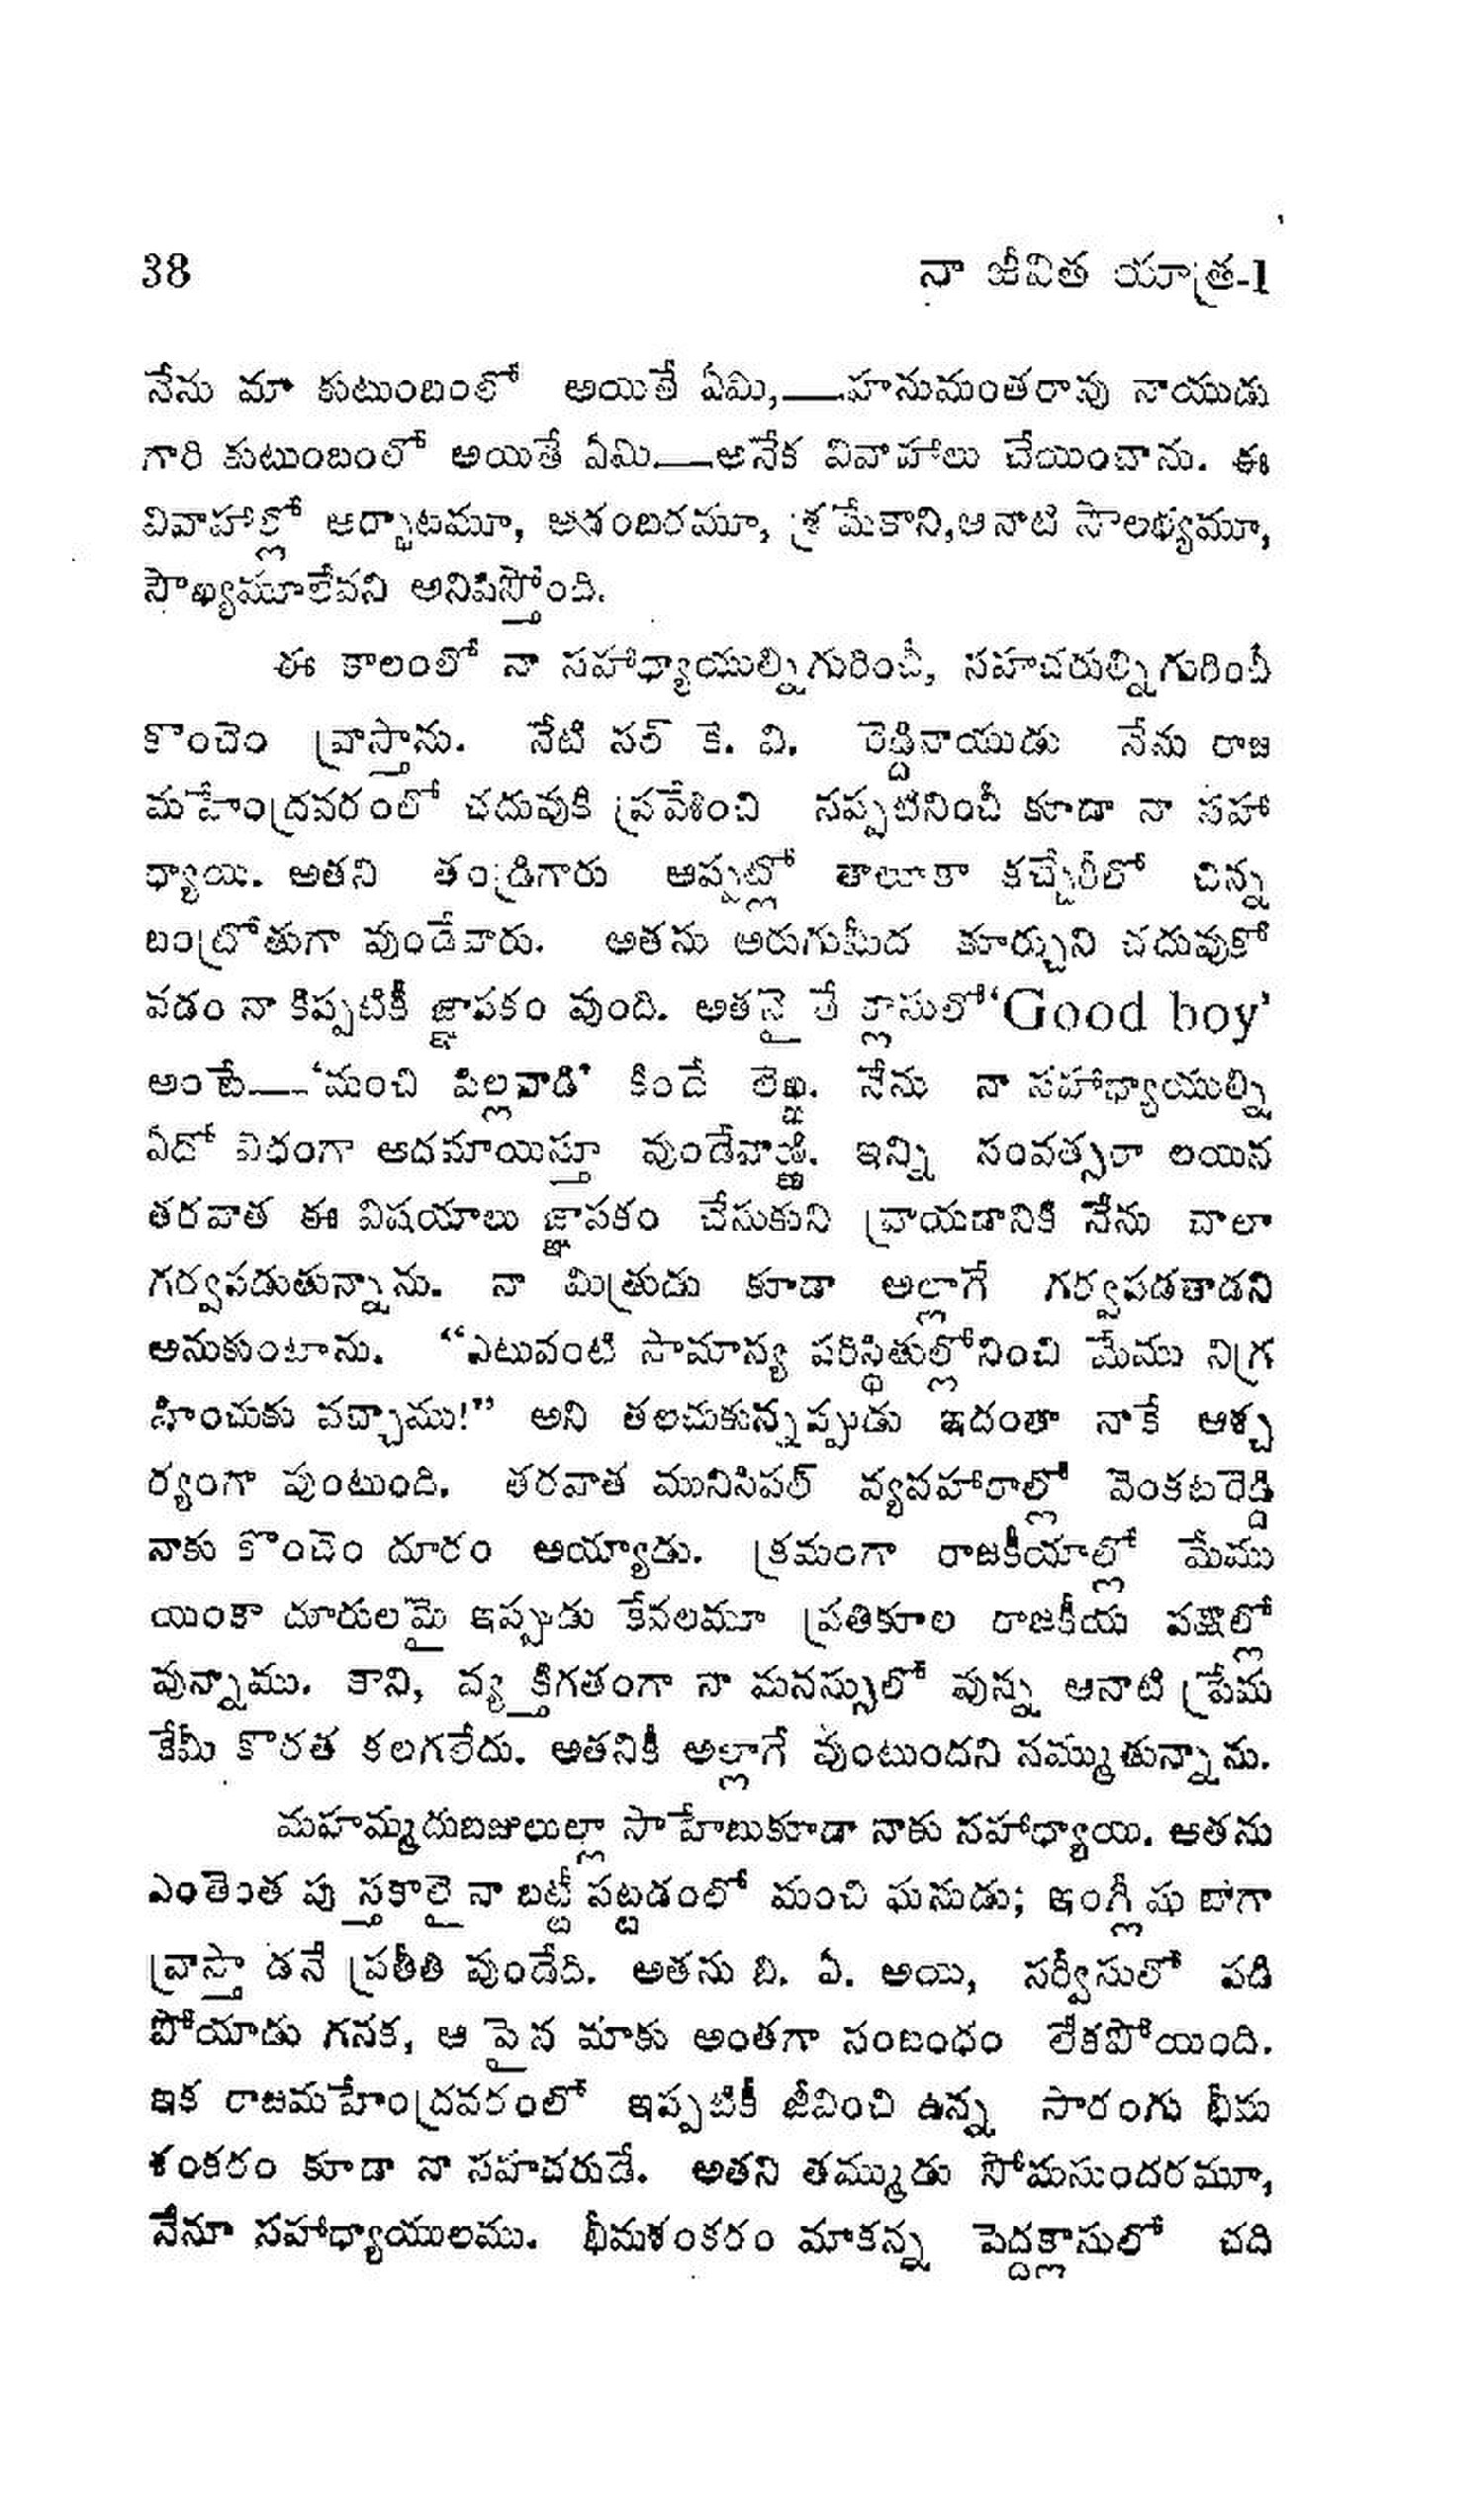వినా, మెట్రిక్యులేషన్ దండయాత్రలు చెయ్యడంవల్ల మేము అతన్ని కలుసుకున్నాము. వాళ్ళు నాకిప్పటికీ జ్ఞాపకం వుండడానికి కారణం నాకు వాళ్లయింట్లో వుండే చనువు. నేను వాళ్ళతో పాటే వాళ్ళ ఇంట్లో వాళ్ళ పిల్లాడిలాగే మెలుగుతూ వుండేవాణ్ణి. నాటకాలు చూసి అర్థరాత్రి వచ్చినా, అపరాత్రి వచ్చినా, వాళ్ళ ఇంట్లోనే పడుకుని వాళ్ళతో కలిసి తెల్లవారకుండా వంట ఇంట్లో చల్ది అన్నము తింటూ వుండేవాణ్ణి. మెట్రిక్యులేషన్ లో శంకరాన్ని "గుబ్బక్" అని పిలిచే వాళ్ళము. మెట్రిక్యులేషన్ పాసయ్యాకా అతను ఎక్కడా అడ్డు లేకుండా పరీక్షలు పాసయి, ప్లీడరు అయ్యాడు. మళ్ళీ ప్లీడరీకి చదివినప్పుడు మేమిద్దరమూ కలిసి చదివామేమో అనుకుంటాను.

ఇక నా జీవితంలో అత్యంత సన్నిహిత మిత్రుడూ, నాకు అన్ని విధాల సహాయం చేసిన ఆప్తుడూ, నా రాజకీయా లెల్లా ఉన్నా నన్నాదరించిన ఆత్మీయుడూ అయిన కంచుమర్తి రామచంద్రరావు, నేను 5 వక్లాసు చదివినప్పటి నుంచి నా సహాధ్యాయిగా వుండేవాడు. పాపం! చదువులో అతను సామాన్యంగా ఉండేవాడు; పరీక్షలో మార్కులు వచ్చేవి కావు. అతను చాలా విశాలహృదయుడు; ప్రేమ పాత్రుడు. చదువుకునే రోజుల్లోనే నాకు స్వల్పంగా కావలసిన ధనసాహాయ్యమూ అదీ చేస్తూ ఉండేవాడు. క్రమంగా మేమిద్దరమూ చాలా జోస్తీగా తిరిగేవాళ్ళము. తరవాత జీవితంలో కూడా నాకతను చేసిన సాహాయ్యం ఎన్నడూ మరవలేను. నేను బారిష్టరునై, డబ్బు గణించి, ఖర్చుచేసి, ఏదో కొంత పెద్దరికం సంపాదించగలిగా నంటే దానికి అతనే ముఖ్యకారణమని చెప్పాలి. ముందు ముందు ఆ విషయాలు వ్రాయవలసివచ్చినప్పుడు ఇంకా వివరిస్తాను. మాకు ఇటీవలి జీవితంలో రాజకీయాల్లో ఎన్నో అభిప్రాయభేదాలు కలిగాయి. కాని, మా హృదయాల్లో అనురాగం మాత్రం ఇనుమడించింది. కాని, అణువంతైనా చలించలేదు. ఇటీవలి ఎన్నికల్లో పార్టీపట్టుదలకోసం ప్రతికూలపక్షంలో పనిచేస్తున్నా, అతను నాకు అవసరమైన సహాయం కూడా చేస్తూ ఉండే